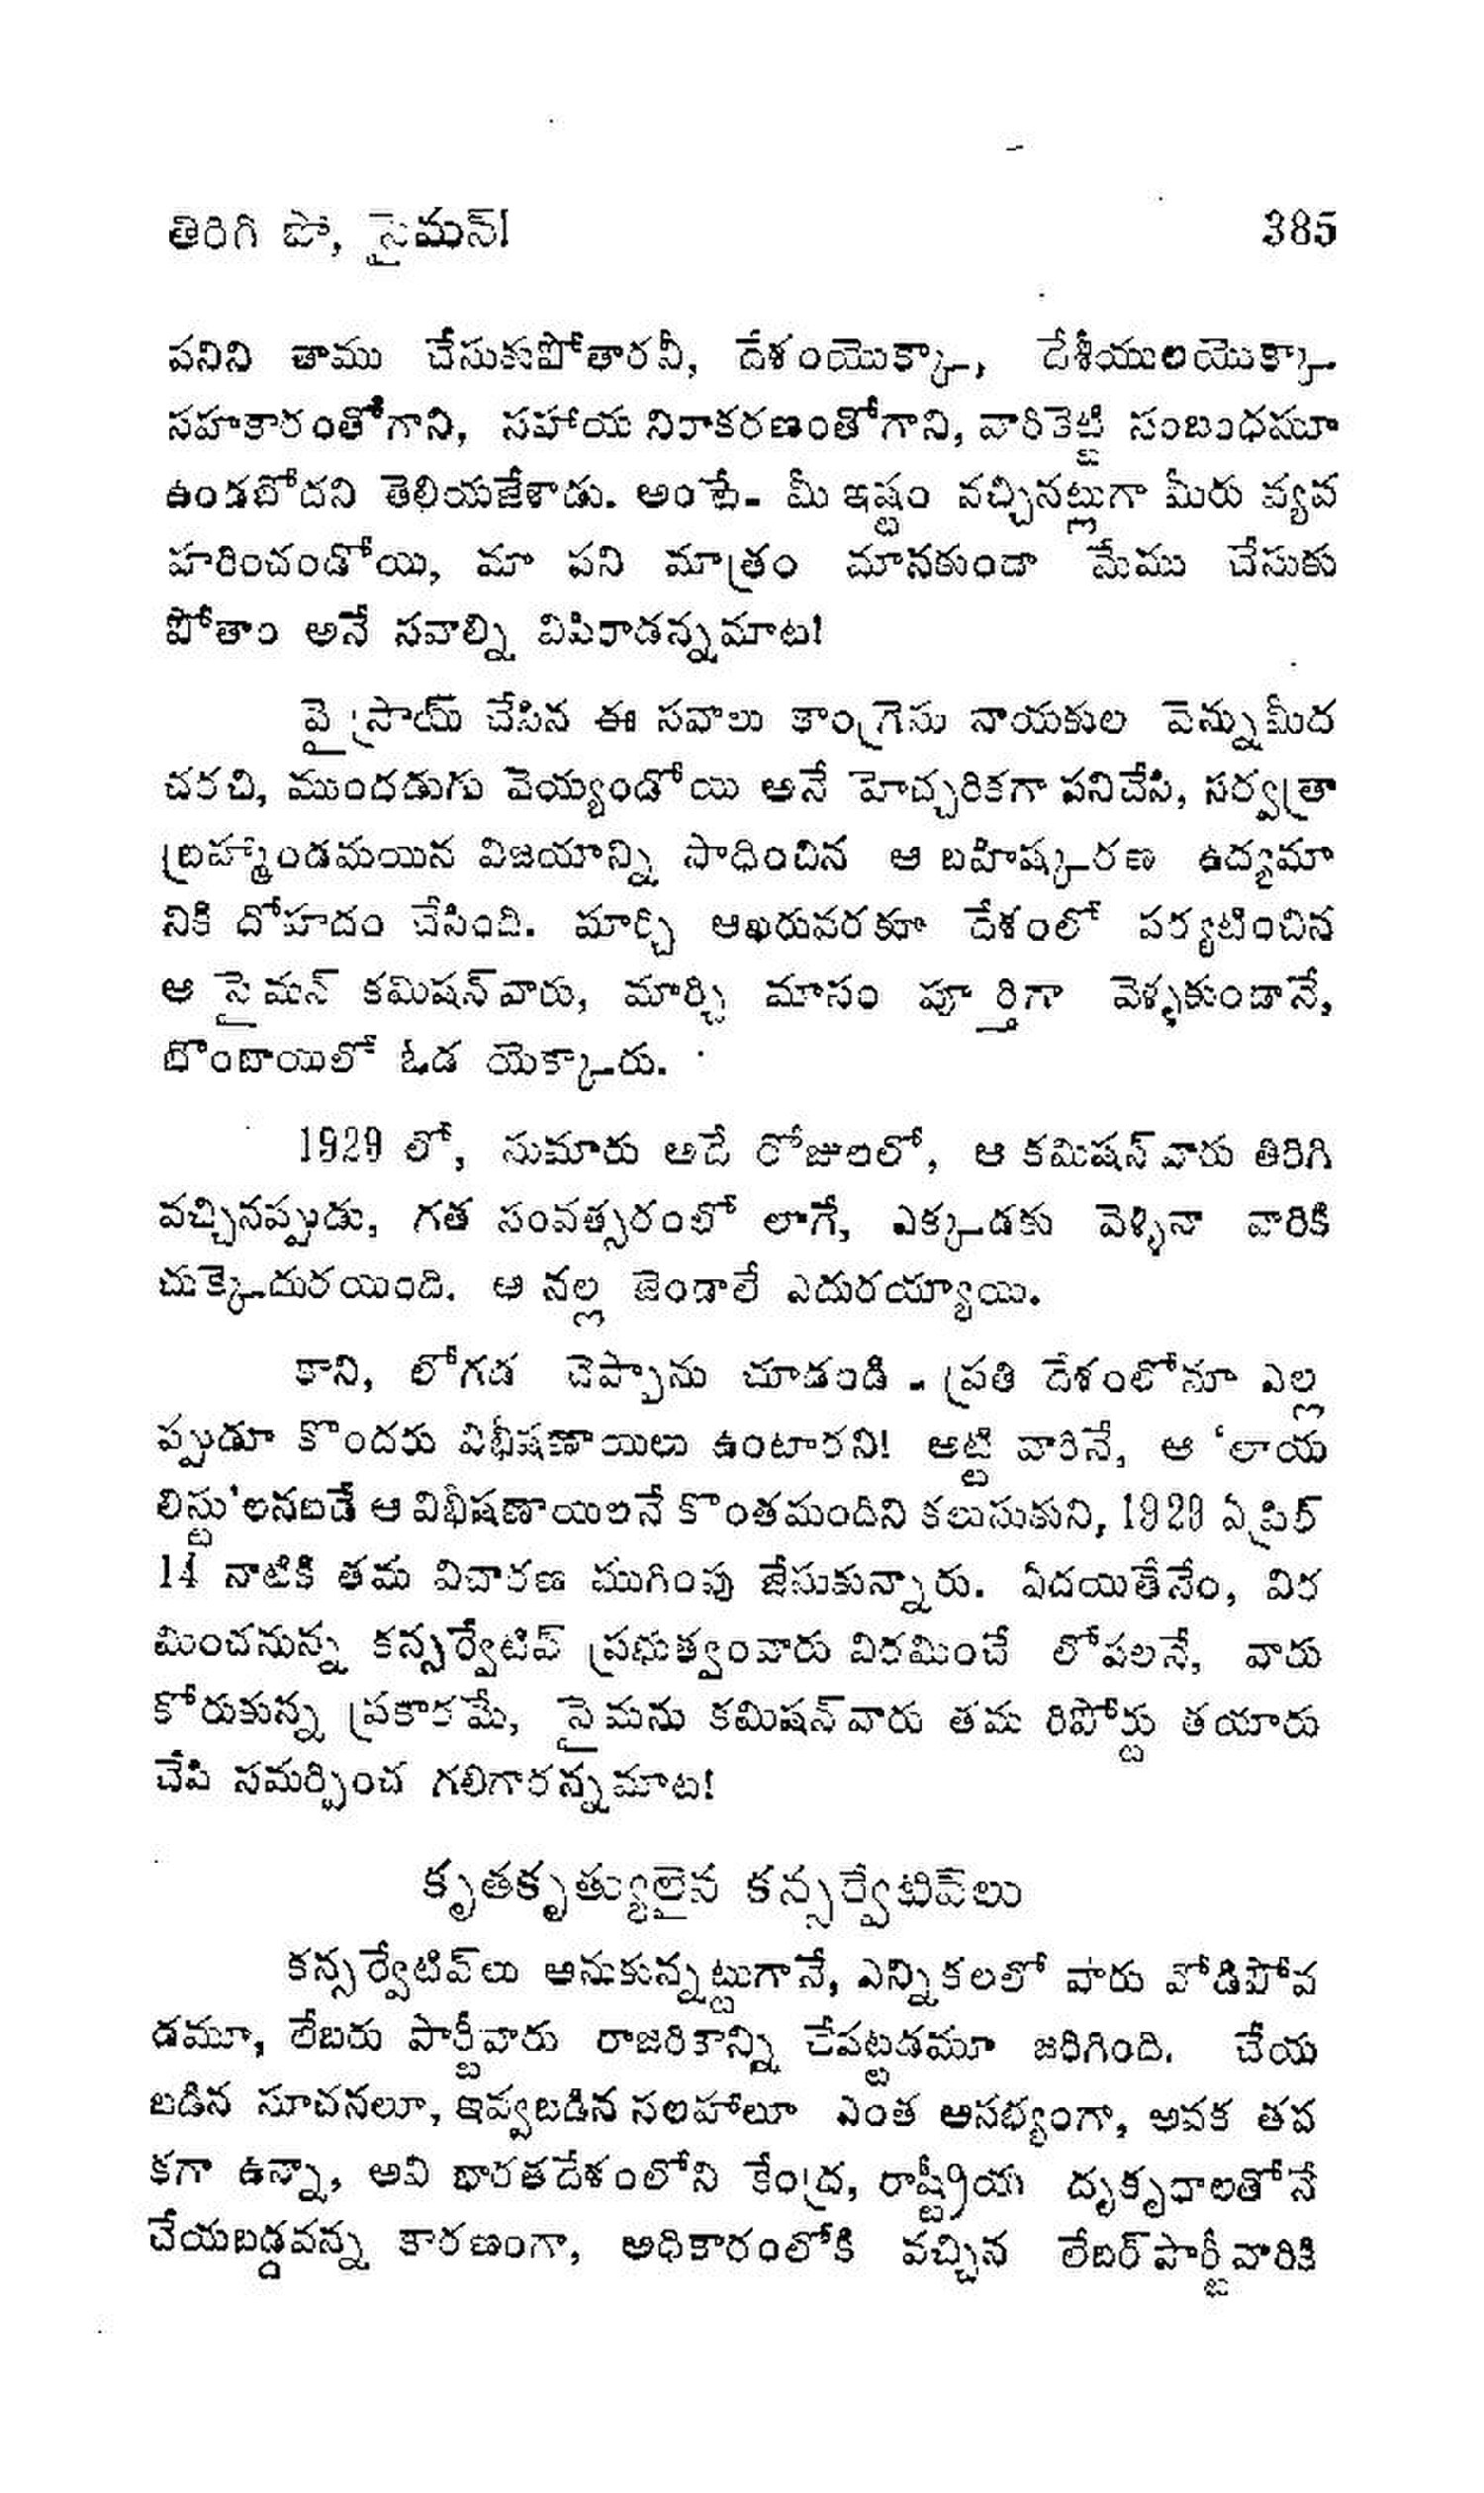పనిని తాము చేసుకుపోతారనీ, దేశంయొక్కా, దేశీయులయొక్కా సహకారంతోగాని, సహాయ నిరాకరణంతోగాని, వారికెట్టి సంబంధమూ ఉండబోదని తెలియజేశాడు. అంటే - మీ ఇష్టం వచ్చినట్లుగా మీరు వ్యవహరించండోయి, మా పని మాత్రం మానకుండా మేము చేసుకుపోతాం అనే సవాల్ని విసిరాడన్నమాట!

వైస్రాయ్ చేసిన ఈ సవాలు కాంగ్రెసు నాయకుల వెన్నుమీద చరచి, ముందడుగు వెయ్యండోయి అనే హెచ్చరికగా పనిచేసి, సర్వత్రా బ్రహ్మాండమయిన విజయాన్ని సాధించిన ఆ బహిష్కరణ ఉద్యమానికి దోహదం చేసింది. మార్చి ఆఖరువరకూ దేశంలో పర్యటించిన ఆ సైమన్ కమిషన్‌వారు, మార్చి మాసం పూర్తిగా వెళ్ళకుండానే, బొంబాయిలో ఓడ యెక్కారు.

1929 లో, సుమారు అదే రోజులలో, ఆ కమిషన్ వారు తిరిగి వచ్చినప్పుడు, గత సంవత్సరంలో లాగే, ఎక్కడకు వెళ్ళినా వారికి చుక్కెదురయింది. ఆ నల్ల జెండాలే ఎదురయ్యాయి.

కాని, లోగడ చెప్పాను చూడండి - ప్రతి దేశంలోనూ ఎల్లప్పుడూ కొందరు విభీషణాయిలు ఉంటారని! అట్టి వారినే, ఆ 'లాయలిస్టు' లనబడే ఆ విభీషణాయిలనే కొంతమందిని కలుసుకుని, 1929 ఏప్రిల్ 14 నాటికి తమ విచారణ ముగింపు జేసుకున్నారు. ఏదయితేనేం, విరమించనున్న కన్సర్వేటివ్ ప్రభుత్వంవారు విరమించే లోపలనే, వారు కోరుకున్న ప్రకారమే, సైమను కమిషన్‌వారు తమ రిపోర్టు తయారు చేసి సమర్పించ గలిగారన్నమాట!

కన్సర్వేటివ్‌లు అనుకున్నట్టుగానే, ఎన్నికలలో వారు వోడిపోవడమూ, లేబరు పార్టీవారు రాజరికాన్ని చేపట్టడమూ జరిగింది. చేయబడిన సూచనలూ, ఇవ్వబడిన సలహాలూ ఎంత అసభ్యంగా, అవక తవకగా ఉన్నా, అవి భారతదేశం లోని కేంద్ర, రాష్ట్రీయ దృకృధాలతోనే చేయబడ్డవన్న కారణంగా, అధికారంలోకి వచ్చిన లేబర్‌పార్టీవారికి